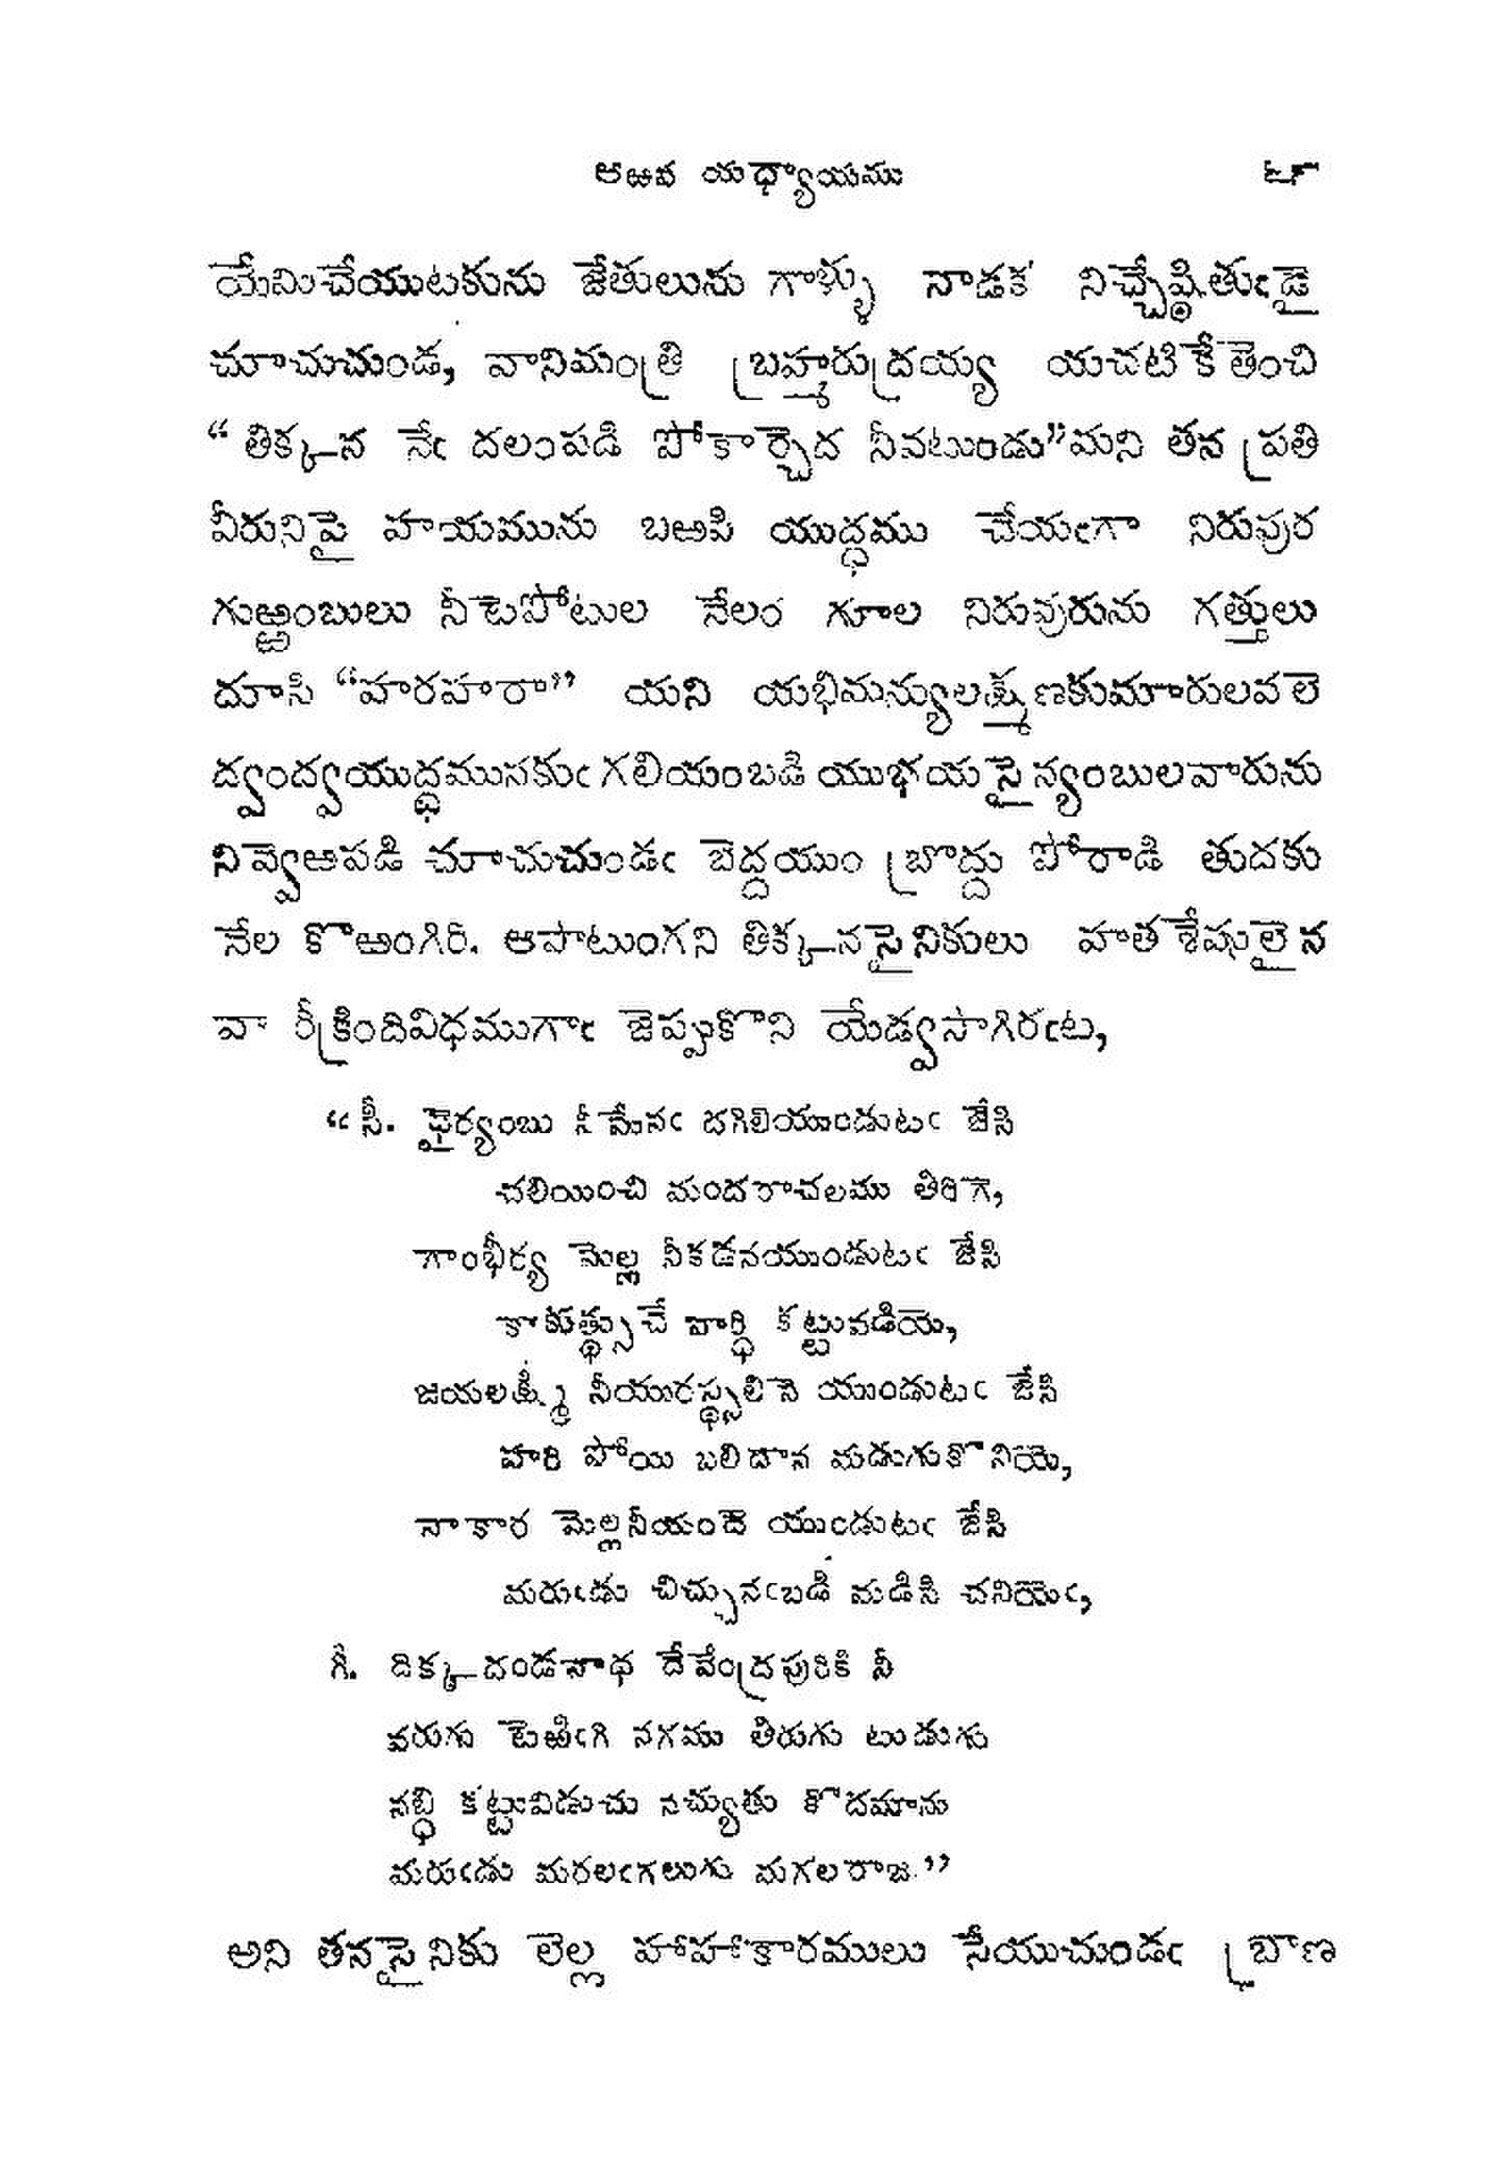యేమిచేయుటకును జేతులును గాళ్ళు నాడక నిచ్చేష్ఠితుఁడై చూచుచుండ, వానిమంత్రి బ్రహ్మరుద్రయ్య యచటికేతెంచి "తిక్కన నేఁ దలంపడి పోకార్చెద నీవటుండు"మని తన ప్రతివీరునిపై హయమును బఱపి యుద్ధము చేయఁగా నిరువుర గుఱ్ఱంబులు నీటెపోటుల నేలం గూల నిరువురును గత్తులు దూసి “హరహరా" యని యభిమన్యులక్ష్మణకుమారులవలె ద్వంద్వయుద్ధముసకుఁగలియంబడి యుభయ సైన్యంబులవారును నివ్వెఱపడి చూచుచుండఁ బెద్దయుం బ్రొద్దు పోరాడి తుదకు నేల కొఱంగిరి. ఆపాటుంగని తిక్కనసైనికులు హతశేషులైన వా రీక్రిందివిధముగాఁ జెప్పుకొని యేడ్వసాగిరఁట, 

"సీ. ధైర్యంబు నీమేనఁ దగిలియుండుటఁ జేసి
 చలియించి మందరాచలము తిరిగె, 
 గాంభీర్య మెల్ల నీకడనయుండుటఁ జేసి
 కాకుత్థ్సుచే వార్థి కట్టువడియె, 
 జయలక్ష్మి నీయురస్థ్సలినె యుండుటఁ జేసి
 హరి పోయి బలిదాన మడుగుకొనియె, 
 నాకార మెల్లనీయందె యుండుటఁ జేసి
 మరుఁడు చిచ్చునఁబడి మడిసి చనియెఁ, 

గీ. దిక్క దండనాథ దేవేంద్రపురికి నీ
 వరుగు టెఱిఁగి సగము తిరుగు టుడుగు 
 నబ్ధి కట్టువిడుచు నచ్యుతు కొదమాను
 మరుఁడు మరలఁగలుగు మగలరాజ." 
అని తనసైనికు లెల్ల హాహాకారములు సేయుచుండఁ బ్రాణ